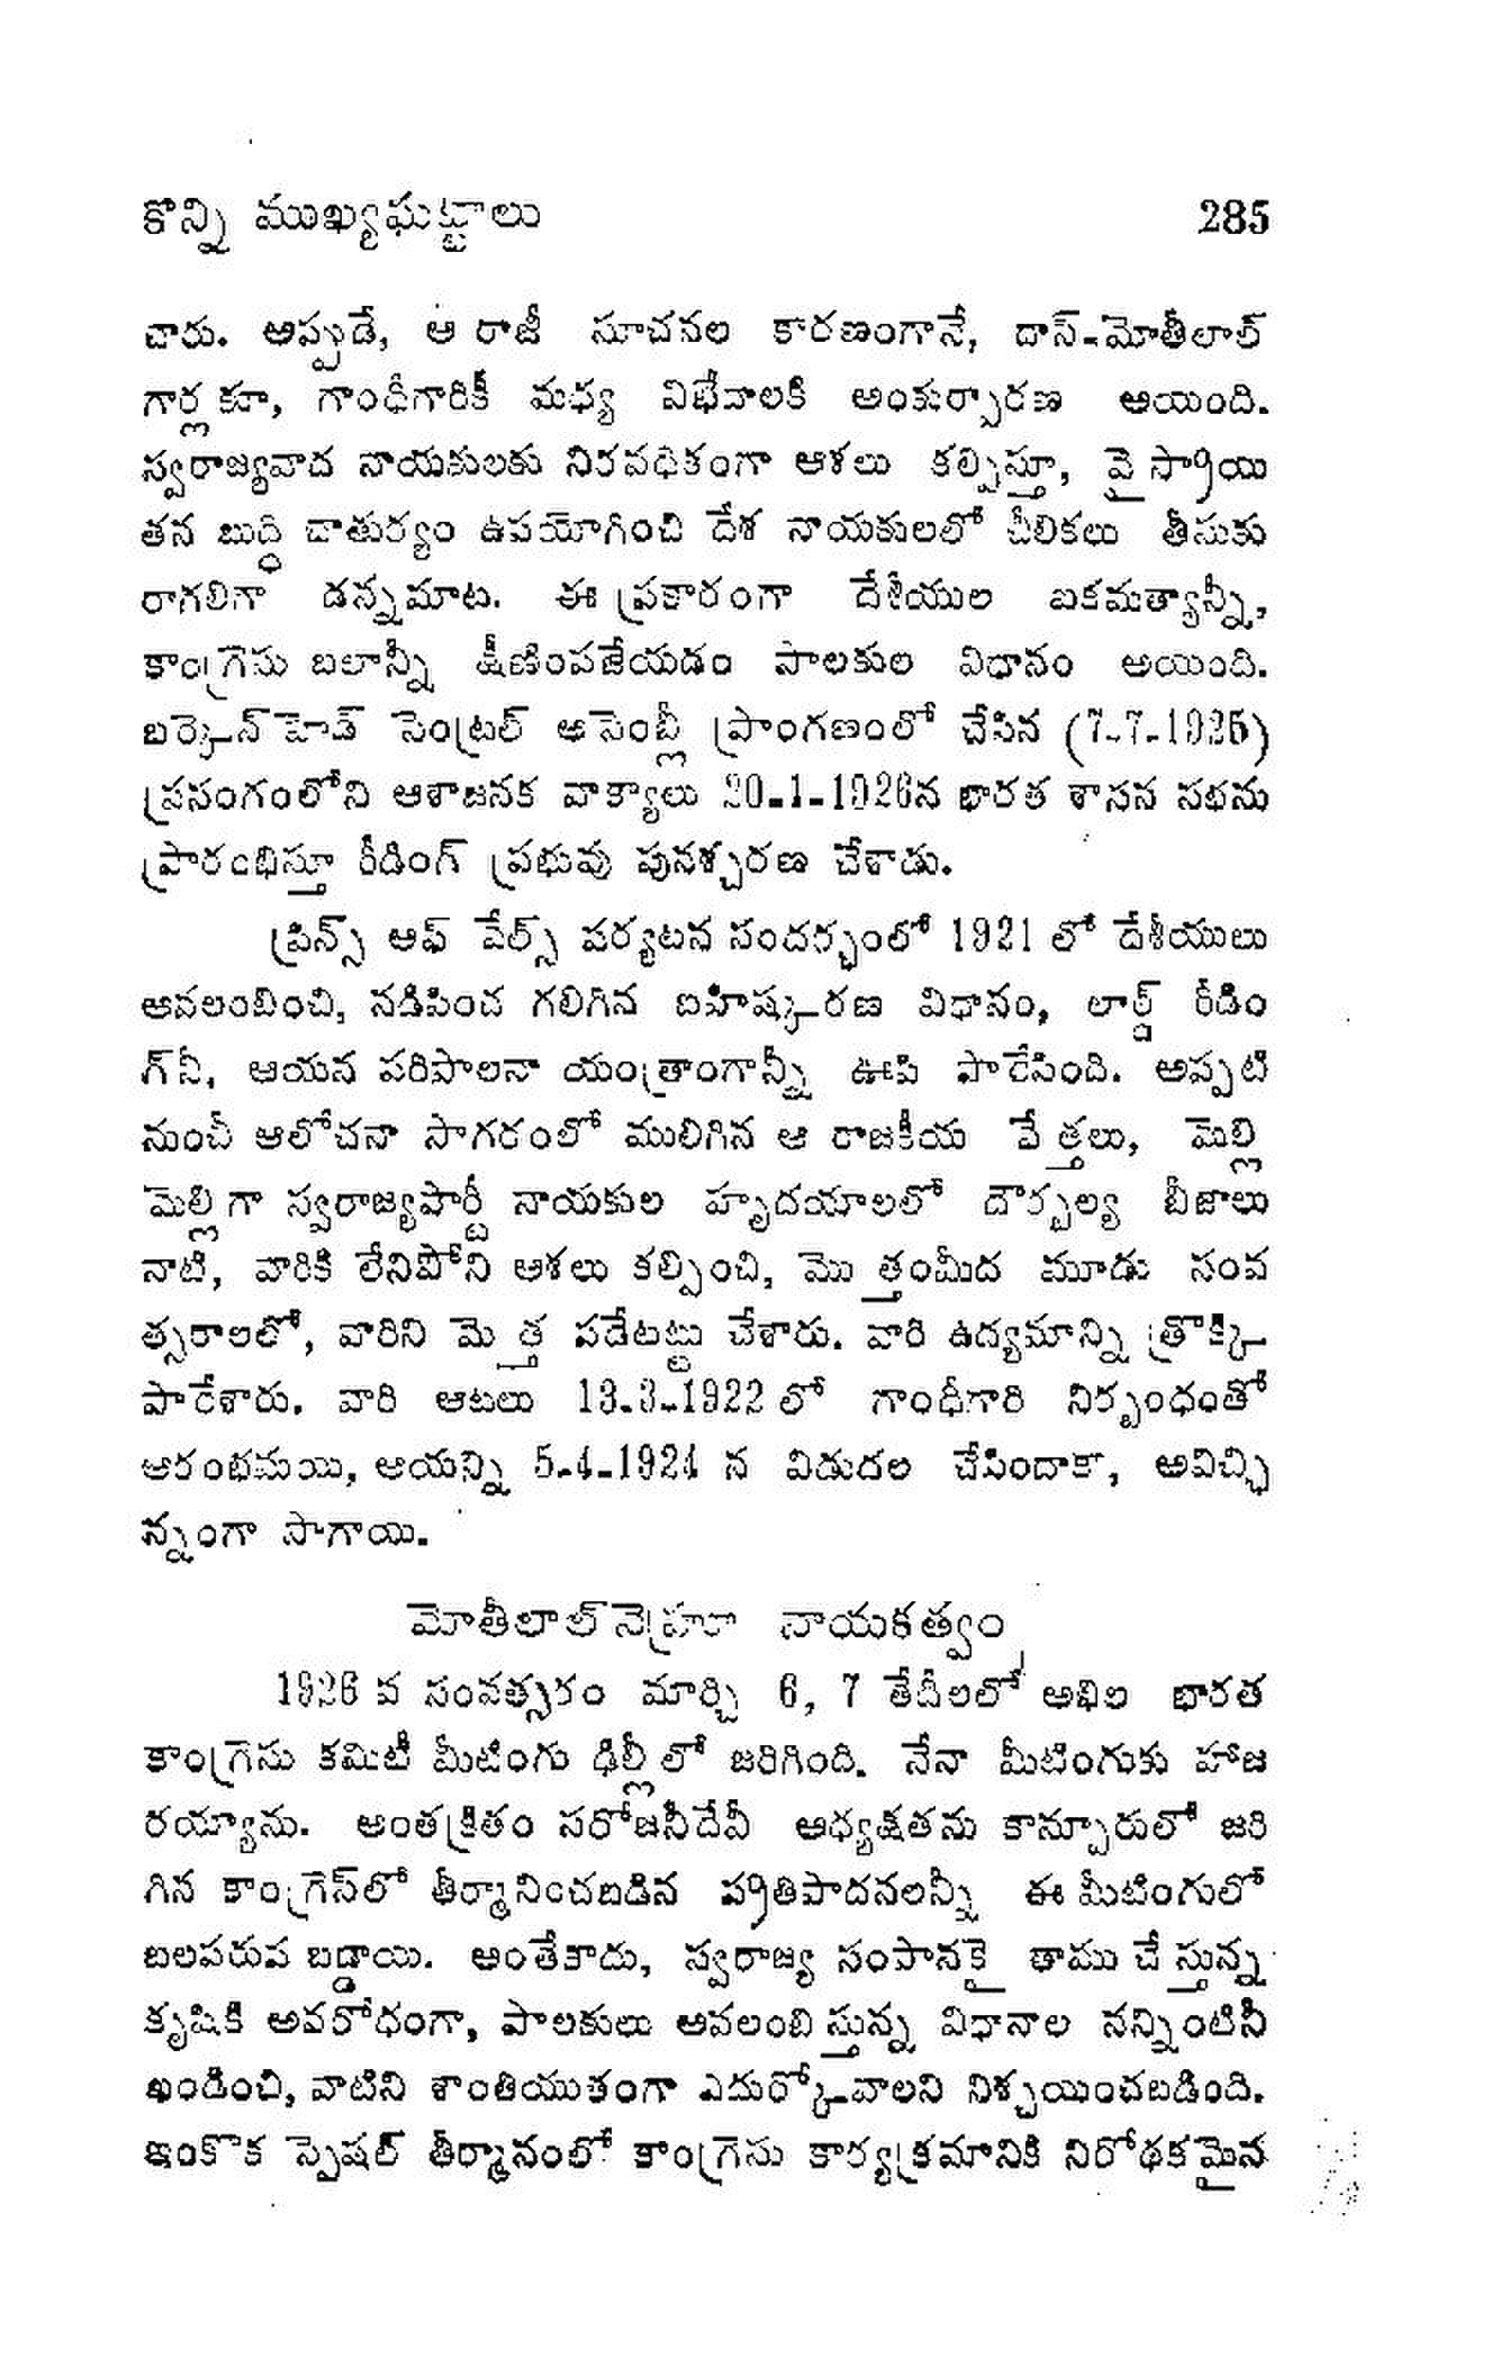చారు. అప్పుడే, ఆ రాజీ సూచనల కారణంగానే, దాస్-మోతిలాల్ గార్లకూ, గాంధీగారికీ మధ్య విభేధాలకి అంకురార్పణ అయింది. స్వరాజ్యవాద నాయకులకు నిరవధికంగా ఆశలు కల్పిస్తూ, వైస్రాయి తన బుద్ధి చాతుర్యం ఉపయోగించి దేశ నాయకులలో చీలికలు తీసుకురాగలిగా డన్నమాట. ఈ ప్రకారంగా దేశీయుల ఐకమత్యాన్నీ, కాంగ్రెసు బలాన్నీ క్షీణింపజేయడం పాలకుల విధానం అయింది. బర్కెన్ హెడ్ సెంట్రల్ అసెంబ్లీ ప్రాంగణంలో చేసిన (7-7-1925) ప్రసంగంలోని ఆశాజనక వాక్యాలు 20-1-1926 న భారత శాసన సభను ప్రారంభిస్తూ రీడింగ్ ప్రభువు పునశ్చరణ చేశాడు.

ప్రిన్స్ ఆఫ్ వేల్స్ పర్యటన సందర్భంలో 1921 లో దేశీయులు అవలంబించి, నడిపించ గలిగిన బహిష్కరణ విధానం, లార్డ్ రీడింగ్‌నీ, ఆయన పరిపాలనా యంత్రాంగాన్నీ ఊపి పారేసింది. అప్పటి నుంచీ ఆలోచనా సాగరంలో ములిగిన ఆ రాజకీయ వేత్తలు, మెల్లి మెల్లిగా స్వరాజ్యపార్టీ నాయకుల హృదయాలలో దౌర్బల్య బీజాలునాటి, వారికి లేనిపోని ఆశలు కల్పించి, మొత్తంమీద మూడు సంవత్సరాలలో, వారిని మెత్త పడేటట్టు చేశారు. వారి ఉద్యమాన్ని త్రొక్కిపారేశారు. వారి ఆటలు 13-3-1922 లో గాంధీగారి నిర్బంధంతో ఆరంభమయి, అయన్ని 5-4-1924 న విడుదల చేసిందాకా, అవిచ్ఛిన్నంగా సాగాయి.

1926 వ సంవత్సరం మార్చి 6,7 తేదీలలో అఖిల భారత కాంగ్రెసు కమిటీ మీటింగు ఢిల్లీలో జరిగింది. నేనా మీటింగుకు హాజరయ్యాను. అంతక్రితం సరోజనీదేవీ అధ్యక్షతను కాన్పూరులో జరిగిన కాంగ్రెస్‌లో తీర్మానింపబడిన ప్రతిపాదనలన్నీ ఈ మీటింగులో బలపరుప బడ్డాయి. అంతేకాదు, స్వరాజ్య సంపానకై తాము చేస్తున్న కృషికి అవరోధంగా, పాలకులు అవలంబిస్తున్న విధానాల నన్నింటినీ ఖండించి, వాటిని శాంతియుతంగా ఎదుర్కోవాలని నిశ్చయించబడింది. ఇంకొక స్పెషల్ తీర్మానంలో కాంగ్రెసు కార్యక్రమానికి నిరోథకమైన